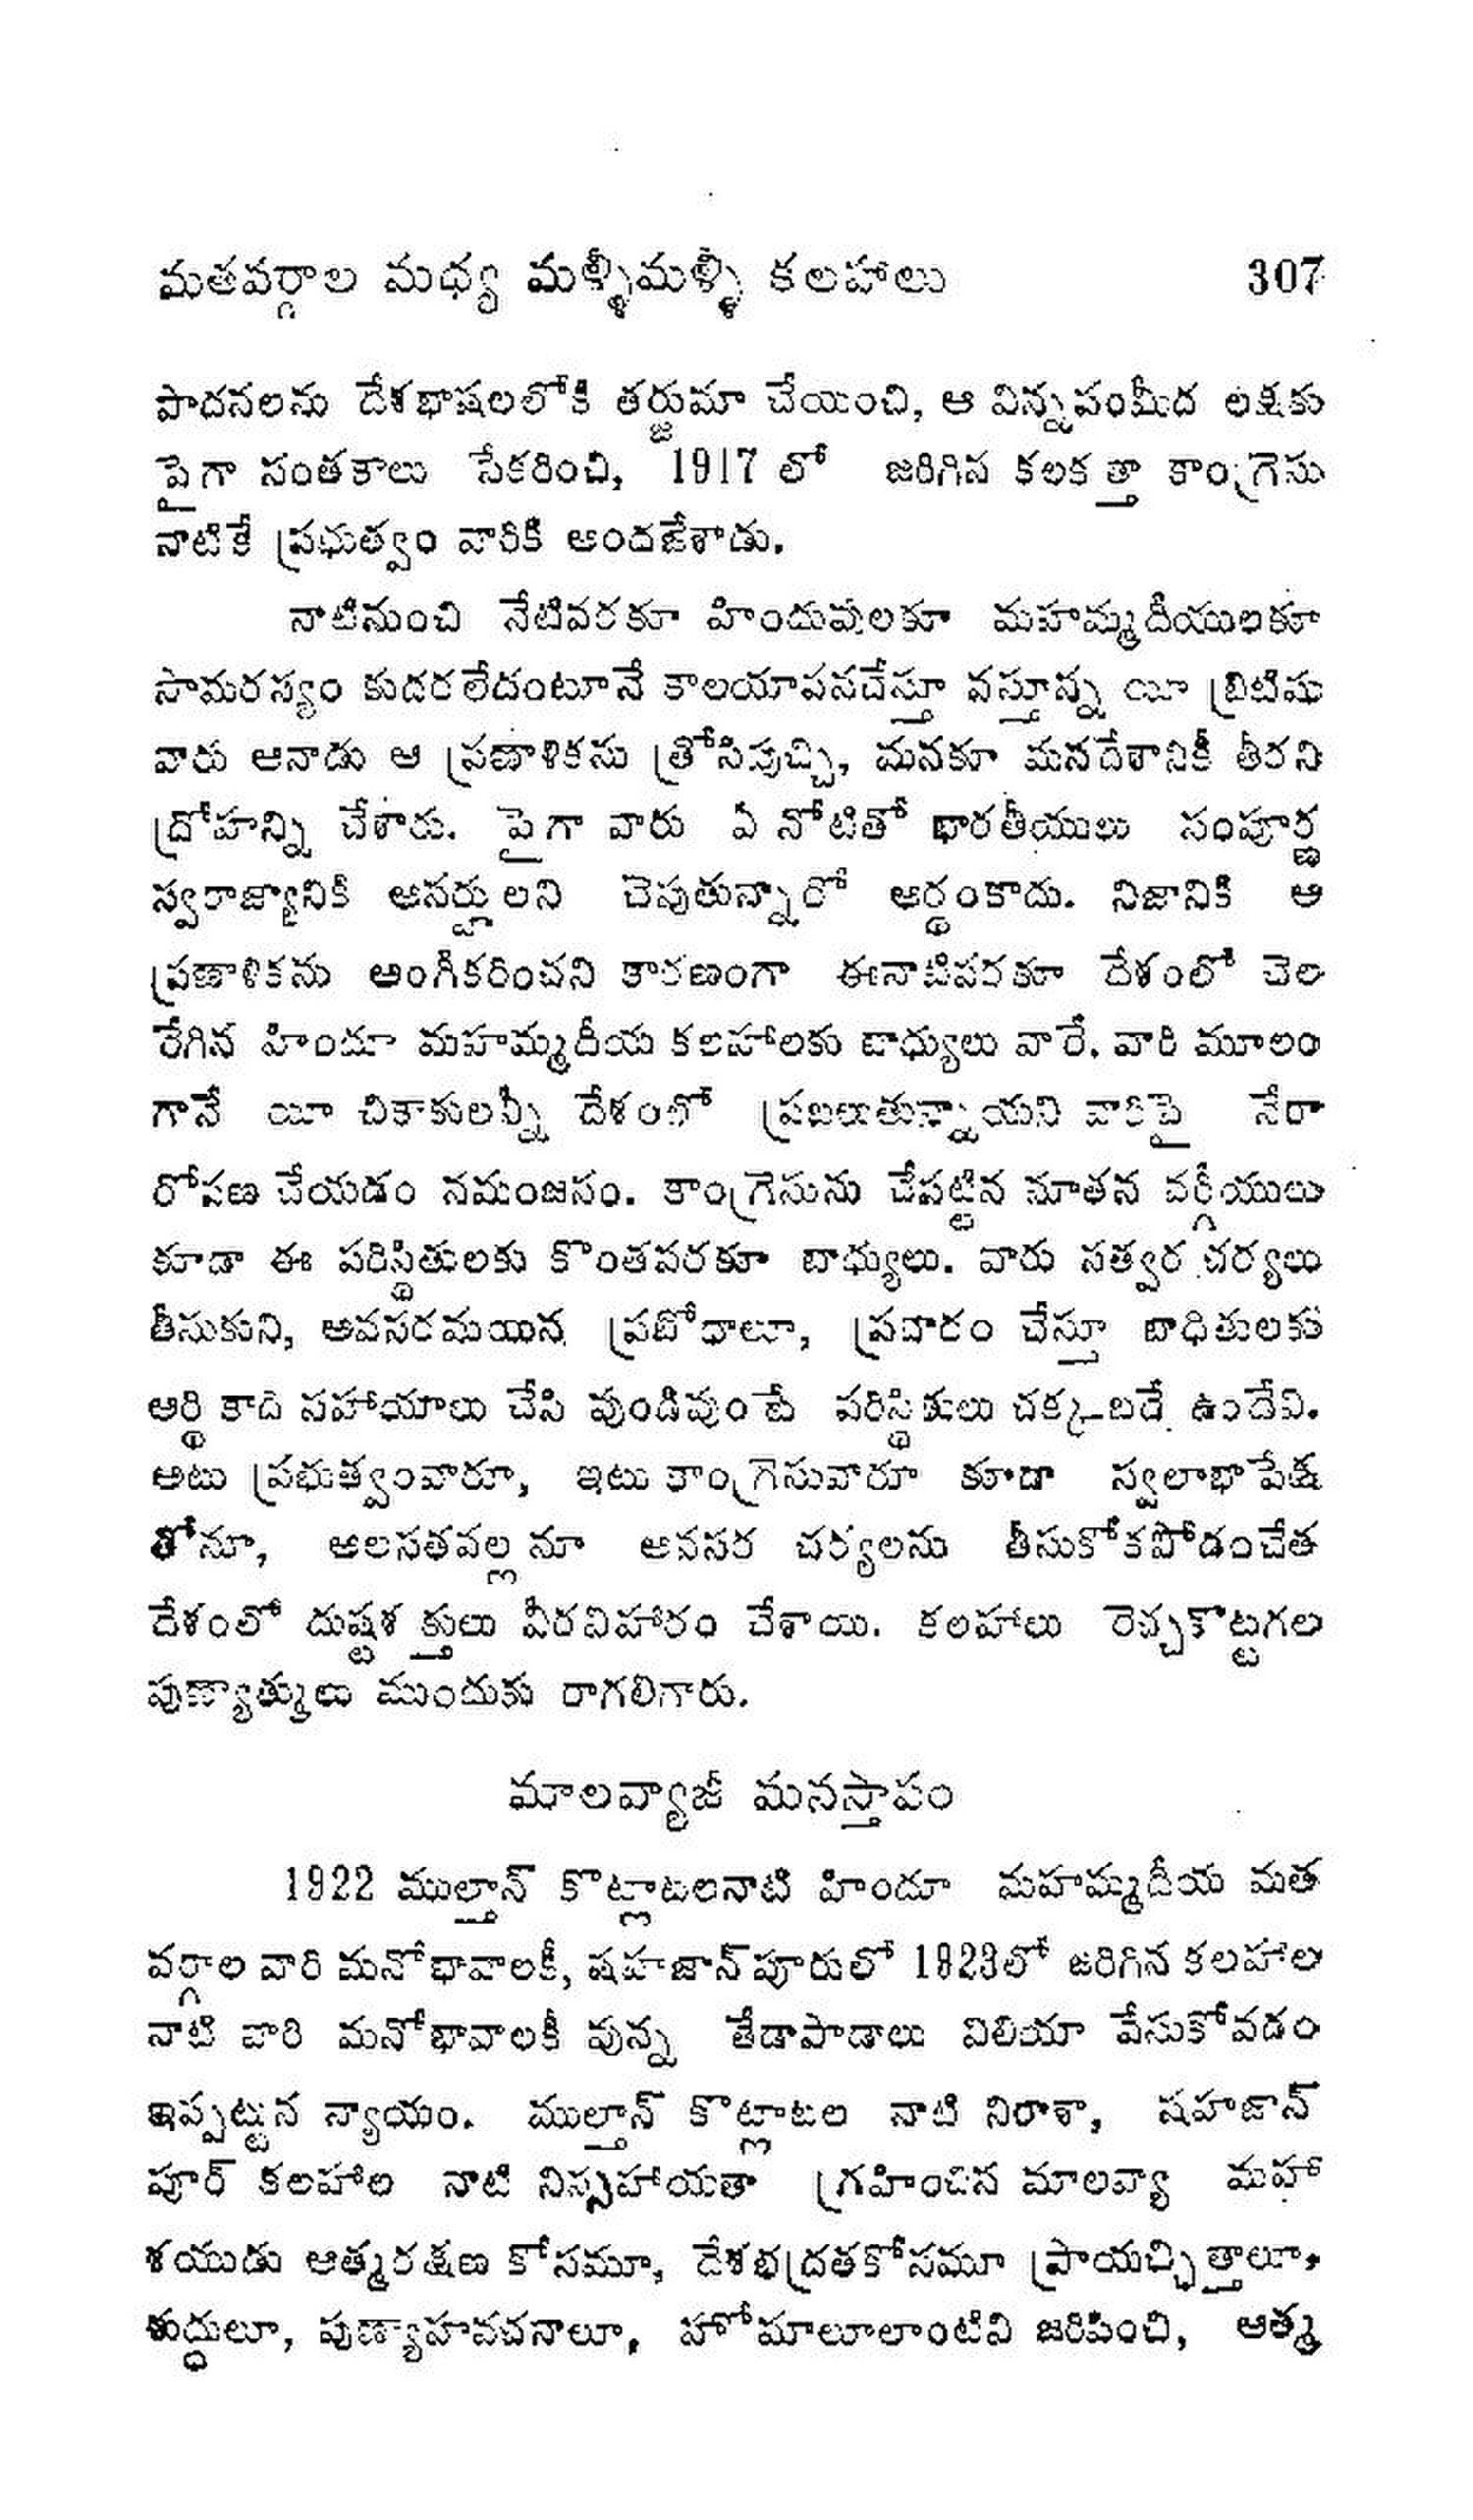పాదనలను దేశభాషలలోకి తర్జుమా చేయించి, ఆ విన్నపంమీద లక్షకుపైగా సంతకాలు సేకరించి, 1917 లో జరిగిన కలకత్తా కాంగ్రెసు నాటికే ప్రభుత్వం వారికి అందజేశాడు.

నాటినుంచి నేటివరకూ హిందువులకూ మహమ్మదీయులకూ సామరస్యం కుదరలేదంటూనే కాలయాపనచేస్తూ వస్తూన్న యీ బ్రిటిషు వారు ఆనాడు ఆప్రణాళికను త్రోసిపుచ్చి, మనకూ మనదేశానికి తీరని ద్రోహాన్ని చేశారు. పైగా వారు ఏ నోటితో భారతీయులు సంపూర్ణ స్వరాజ్యానికి అనర్హులని చెపుతున్నారో అర్థం కాదు. నిజానికి ఆ ప్రణాళికను అంగీకరించని కారణంగా ఈనాటివరకూ దేశంలో చెలరేగిన హిందూ మహమ్మదీయ కలహాలకు బాధ్యులు వారే. వారి మూలం గానే యీ చికాకులన్నీ దేశంలో ప్రబలుతున్నాయని వారిపై నేరారోపణ చేయడం సమంజసం. కాంగ్రెసును చేపట్టిన నూతన వర్గీయులు కూడా ఈ పరిస్థితులకు కొంతవరకూ బాధ్యులు. వారు సత్వర చర్యలు తీసుకుని, అవసరమయిన ప్రబోదాలూ, ప్రచారం చేస్తూ బాధితులకు ఆర్థికాది సహాయాలు చేసి వుండివుంటే పరిస్థితులు చక్కబడే ఉండేవి. అటు ప్రభుత్వంవారూ, ఇటు కాంగ్రెసువారూ కూడా స్వలాభాపేక్షతోనూ, అలసవల్లనూ అవసర చర్యలను తీసుకోకపోడంచేత దేశంలో దుష్టశక్తులు వీరవిహారం చేశాయి. కలహాలు రెచ్చగొట్టగల పుణ్యాత్ములు ముందుకు రాగలిగారు.

1922 ముల్తాన్ కొట్లాటలనాటి హిందూ మహమ్మదీయ మత వర్గాల వారి మనోబావాలకీ, షహజాన్‌పూరులో 1923లో జరిగిన కలహాల నాటి వారి మనోభావాలకీ వున్న తేడాపాడాలు విలియా వేసుకోవడం ఇప్పట్టున న్యాయం. ముల్తాన్ కొట్లాటల నాటి నిరాశా, షహజాన్‌పూర్ కలహాల నాటి నిస్సహాయతా గ్రహించిన మాలవ్యా మహాశయుడు ఆత్మరక్షణ కోసమూ, దేశభద్రతకోసమూ ప్రాయచ్ఛిత్తాలూ, శుద్ధులూ, పుణ్యాహవచనాలూ, హోమాలులాంటివి జరిపించి, ఆత్మ